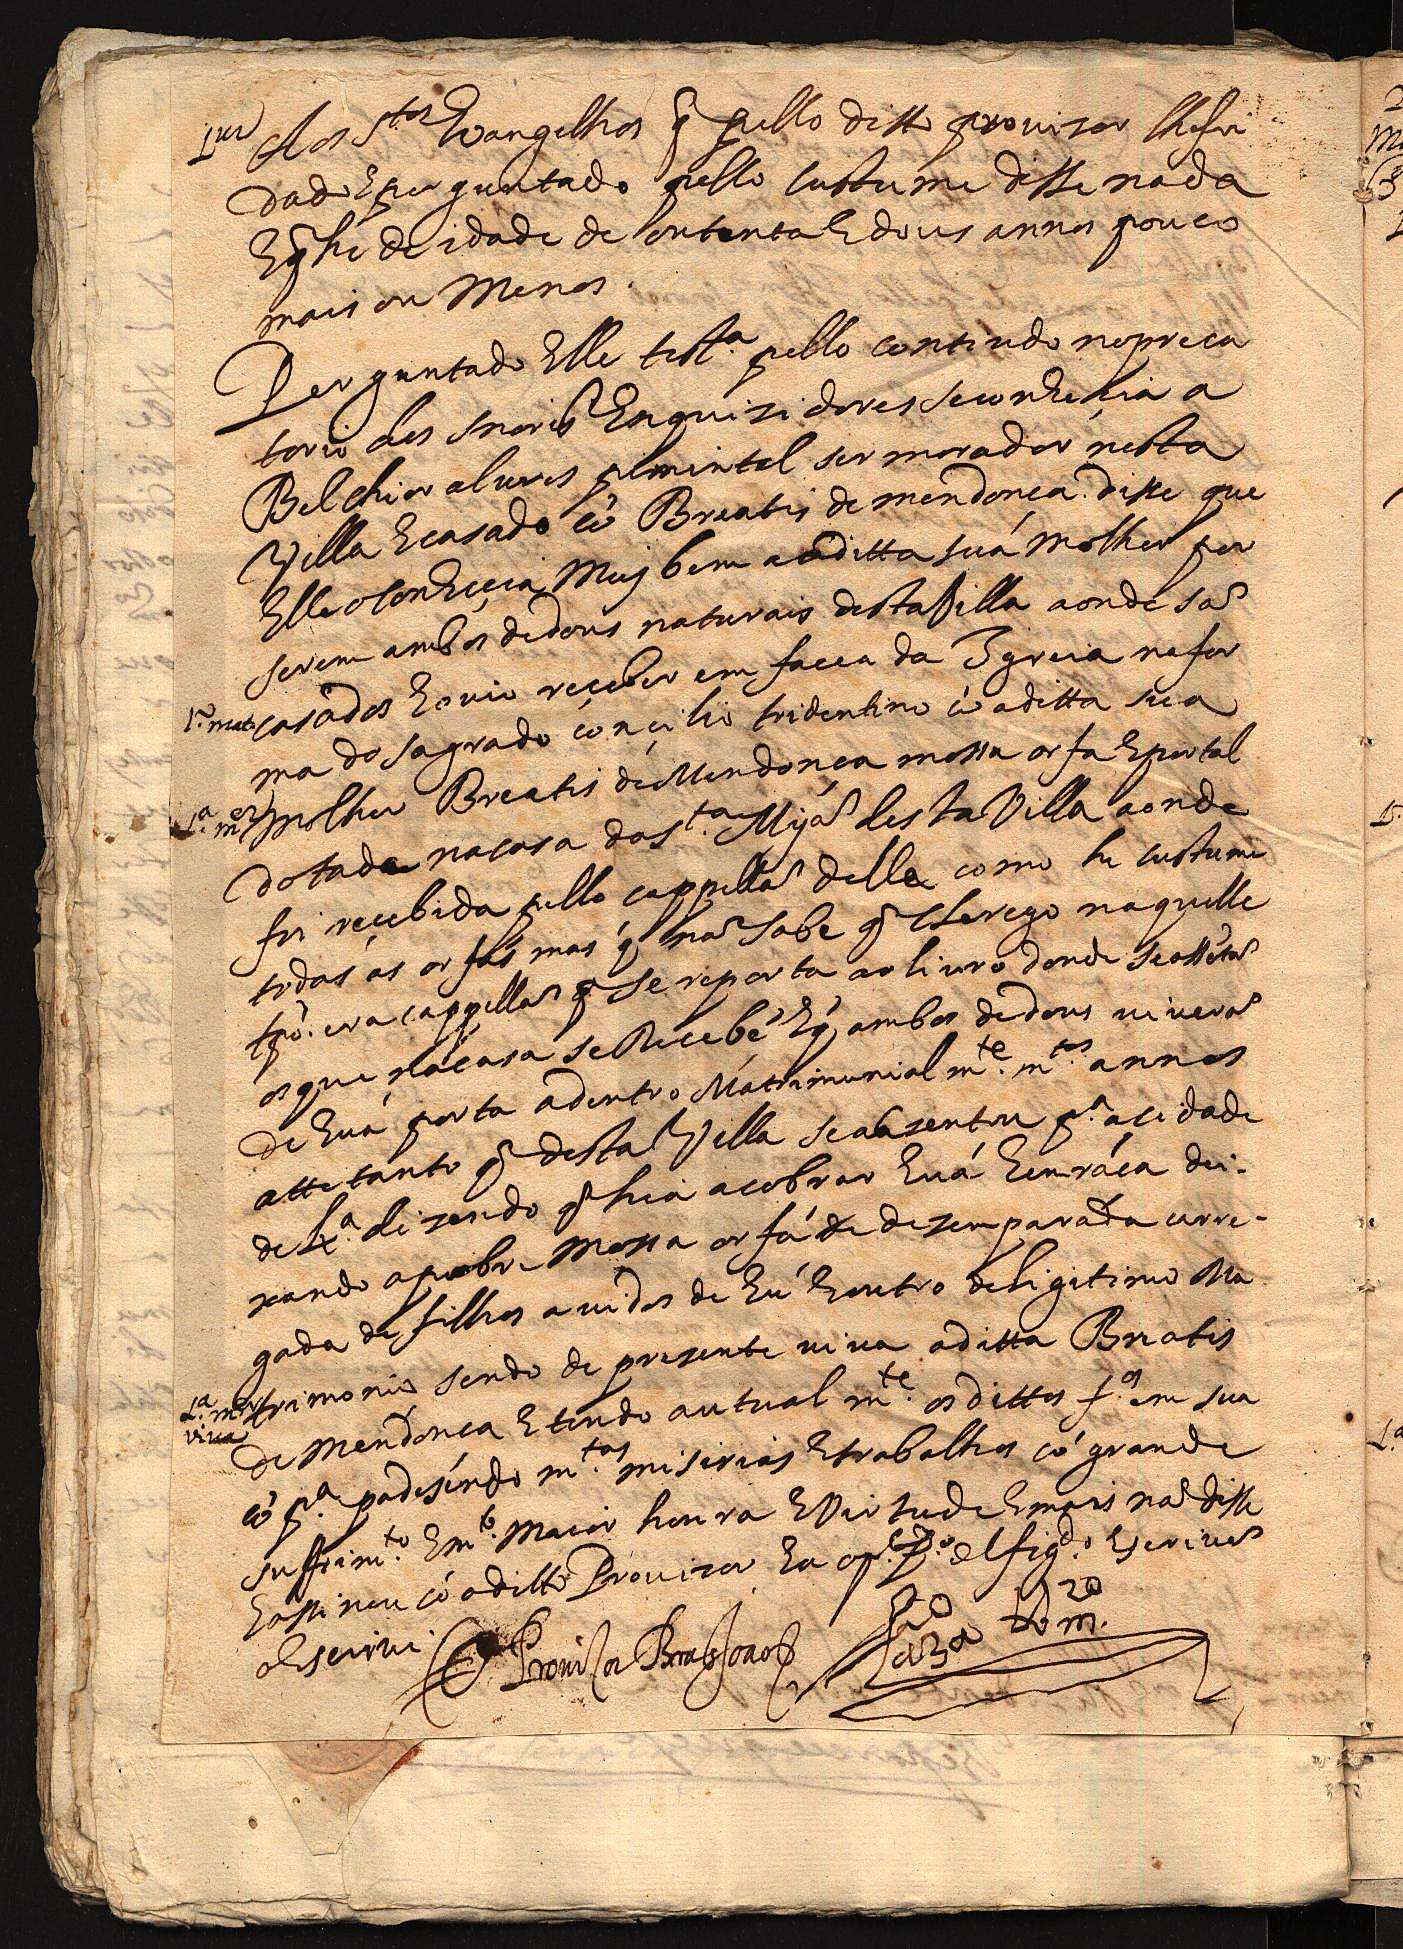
jur
Aos S.tos Evangelhos q̄ pello ditto prouizor lhe foi
dado E perguntado pello custume disse nada
E q̄ he de idade de outenta E dous annos pouco
mais ou menos.
Perguntado Elle test.a pello conteudo no preca
torio dos snores̄ Enquizidores se conhecia a
Belchior alures pimintel ser morador nesta
Villa E casado cō Briatis de mendonça disse que
Elle o conhecia muj bem a a ditta sua molher por
serem ambos de dous naturais desta Villa aonde saõ
1.o mat.
casados E o uio receber em facea da Igreia na for
ma do sagrado concilio tridentino cō a ditta sua
1.a m.er
molher Breatis de Mendonça mossa orfa E por tal
dotada na casa da s.ta Mya desta Villa aonde
foi recebida pello cappellaõ delle como he custume
todas as orfas̄ mas q̄ naõ sabe q̄ clerigo naquelle
tpō. era cappellaõ q̄ se reporta ao liuro donde se assēta
os que na casa se Recebē, E q̄ ambos de dous uiueraõ
de huā porta a dentro Matrimonialm.te m.tos annos
atte tanto q̄ desta Villa se abzentou p.a a cidade
de Lxa. dizendo q̄ hia a cobrar huā henrāça dei
xando a pobre mossa orfā de dezemparada carre
gada de filhos auidos de hū houtro de ligitimo Ma
1.a m.er
viua
trimonio sendo de prezente uiua a ditta Briatis
de mendonça E tendo autualm.te os dittos fos em sua
cōp.a padesendo m.tas miserias E trabalhos cō grande
suffrim.to E m.to maior honra E Virtude E mais naõ disse
E assinou cō o ditto Prouizor Eu o p.e P.o de fig.do Escreuaõ
o Escriui
Laza Rom.ro
O Prouizor Bras Joaõ
